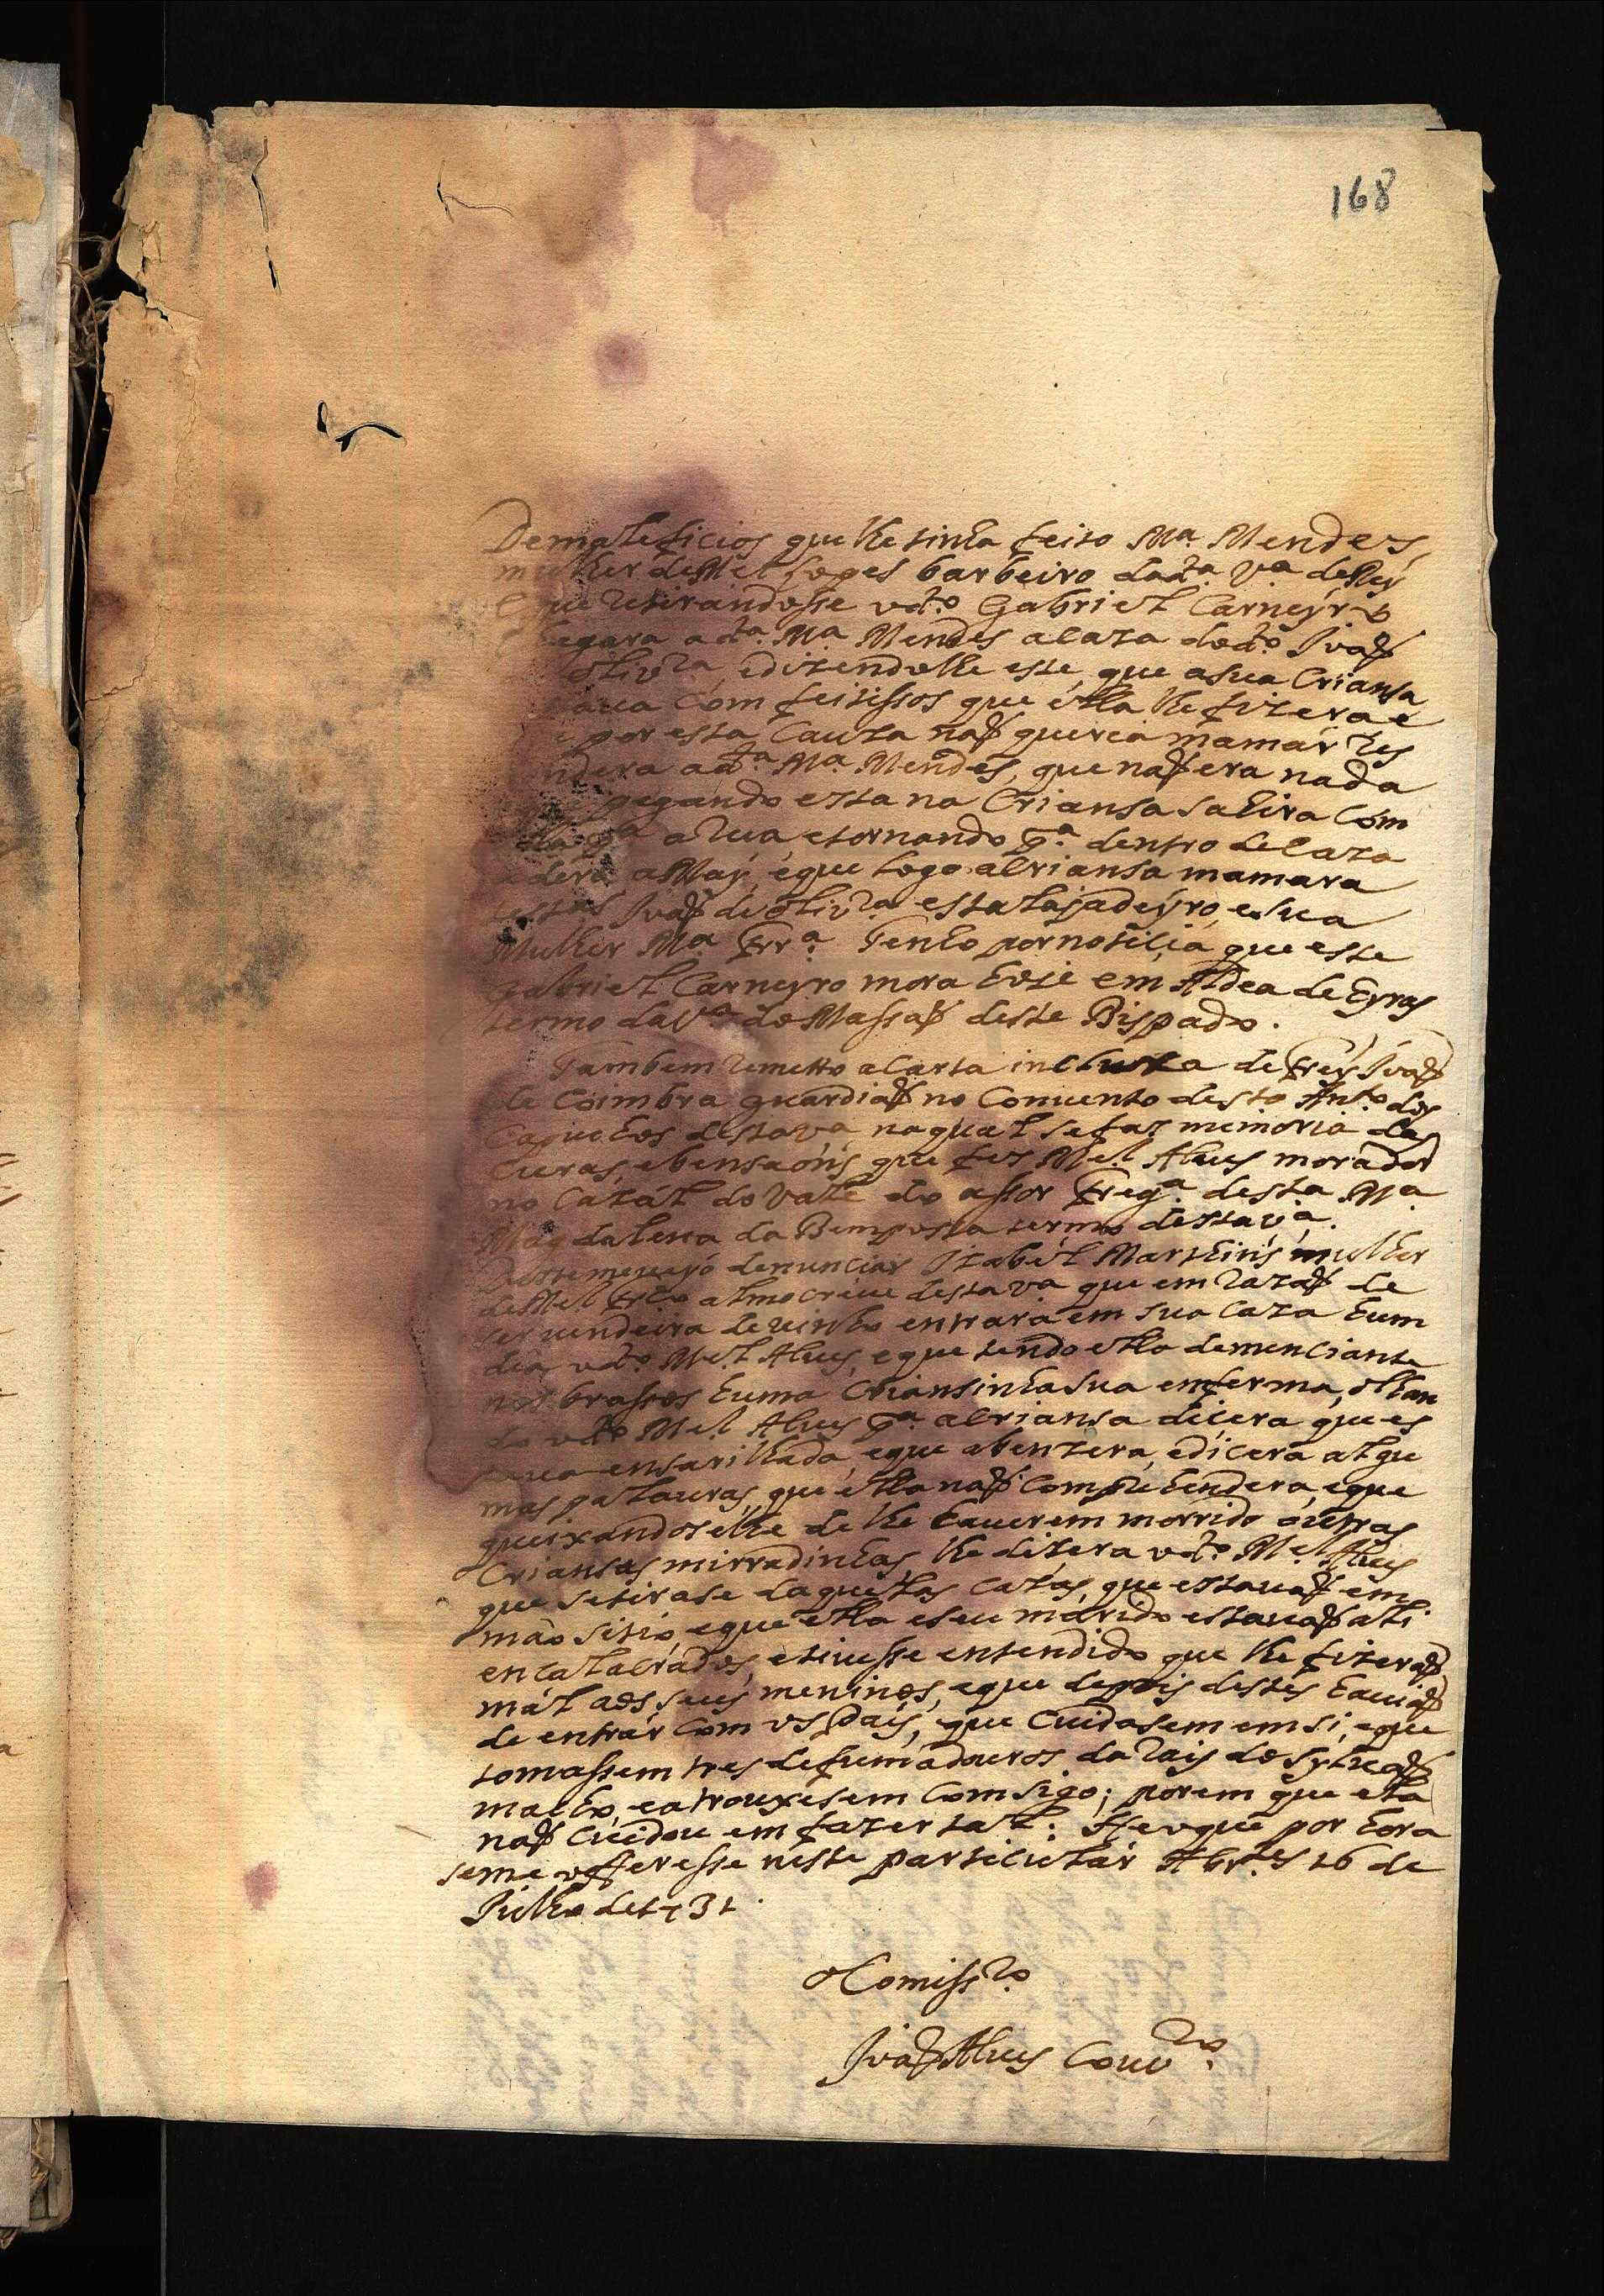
De maleficios que lhe tinha feito Ma. Mendes,
mulher de Mel Lopes barbeiro da d̄.a V.a de Rey
e que Retirandosse o d̄.o Gabriel Carneyro
chegara a d̄.a M.a Mendes a caza do d̄o Ioaõ
oLvra, e dizendolhe esse, que a sua criansa
_aua com feitissos que ella lhe fizera e
por esta cauza naõ queria mamar Res
ndera a d̄.a M.a Mendes, que naõ era nada
pegando esta na Criansa sahira com
ela p.a a Rua, e tornando p.a dentro de caza
dera a May, e que logo a criansa mamara
destas Ioaõ de oliv.ra estalajadeyro, e sua
mulher M.a Frr.a Tenho por noticia que este
Gabriel Carneyro mora hoie em Aldea de Eyras
termo da V.a do Massaõ deste Bispado.
Tambem Remetto a carta incluxa de Frey Ioaõ
de Coimbra guardiaõ no Conuento de s.to An.to dos
Capuchos desta va, na qual se faz memoria das
curas, e bensaõns que fes Me.l Alaues morador
no Cazal do VaLe do assor freg.a de sta M.a
Magdalena da Bemposta termo desta va.
deste me ueyo denunciar Izabel Marthin̄s mulher
de Me.l Fr.co almocreue desta v.a que em razaõ de
ser uendeira de uinho entrara em sua caza hum
dia o d̄o Me.l Alues, e que tendo ella denunciante
nos brassos huma criansinha sua enferma, olhan
do o d̄o Me.l Alues p.a a criansa diçera que es
_ua ensarilhada, e que a benzera, e dicera algu
mas palauras que ella naõ comprehendera, e que
queixandoselhe de lhe hauerem morrido outras
Criansas mirradinhas, lhe dicera o d̄.o M.el Alues
que se tirase daquellas cazas, que estauaõ em
máo sitio, e que ella e seu marido estauaõ aLi
ençalacrados, e tiuesse entendido que lhe fizeraõ
máL aos seus meninos, e que depois destes hauiaõ
de entrar com os Pais, que cuidasem em si, e que
tomassem tres defumadouros da Rais do syluaõ
macho, e a trouxesem comsigo; porem que ela
naõ cuidou em fazer tal: He o que por hora
se me offeresse neste particular Abr.tes 16 de
Iulho de 1731.
o Comiss.ro
Joaõ Alues Couv.ro
